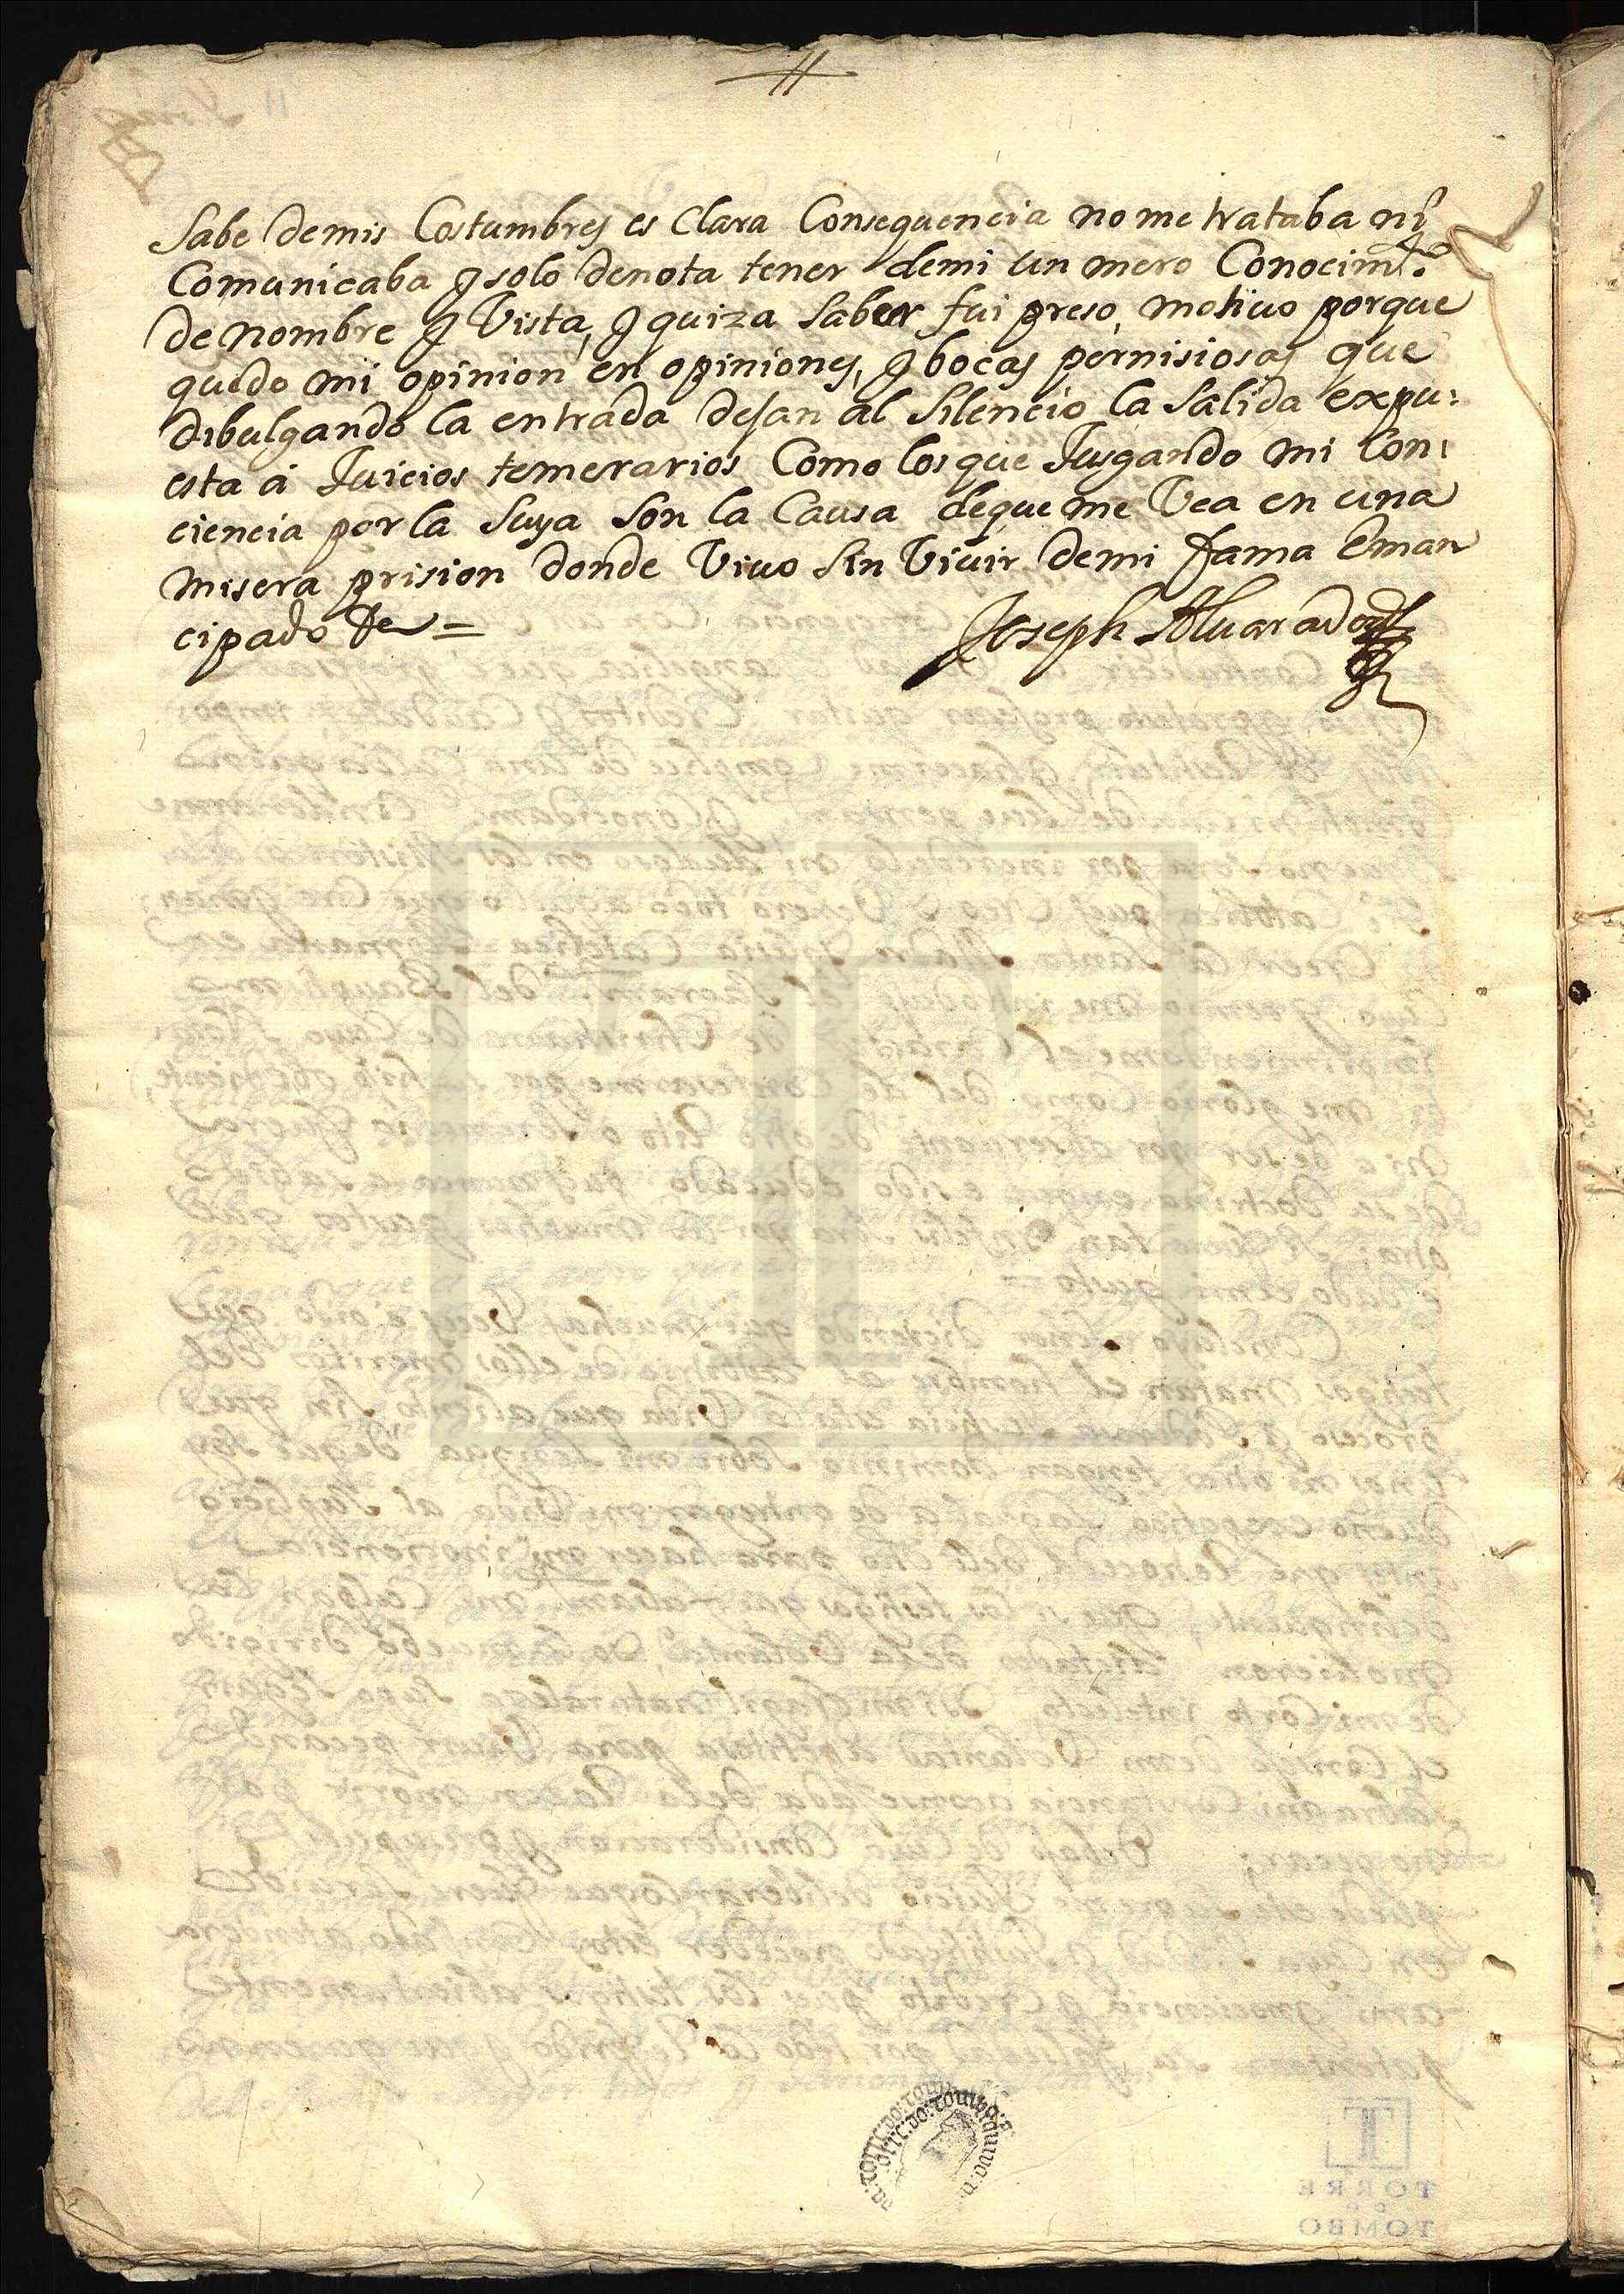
Sabe de mis Costumbres es clara Consequencia no me trataba ni
Comunicaba y solo denota tener demi un mero Conocim.to
de nombre y Vista, y quiza saber fui preso, motiuo porque
quedo mi opinion en opiniones, y bocas pernisiosas que
dibulgando la entrada dejan al silencio la salida expu
esta á Juicios temerarios Como los que Jusgando mi con
ciencia por la suya son la Causa de que me Vea en una
misera prision donde Viuo sin Viuir de mi fama ēman
cipado &a
Joseph Aluarado
